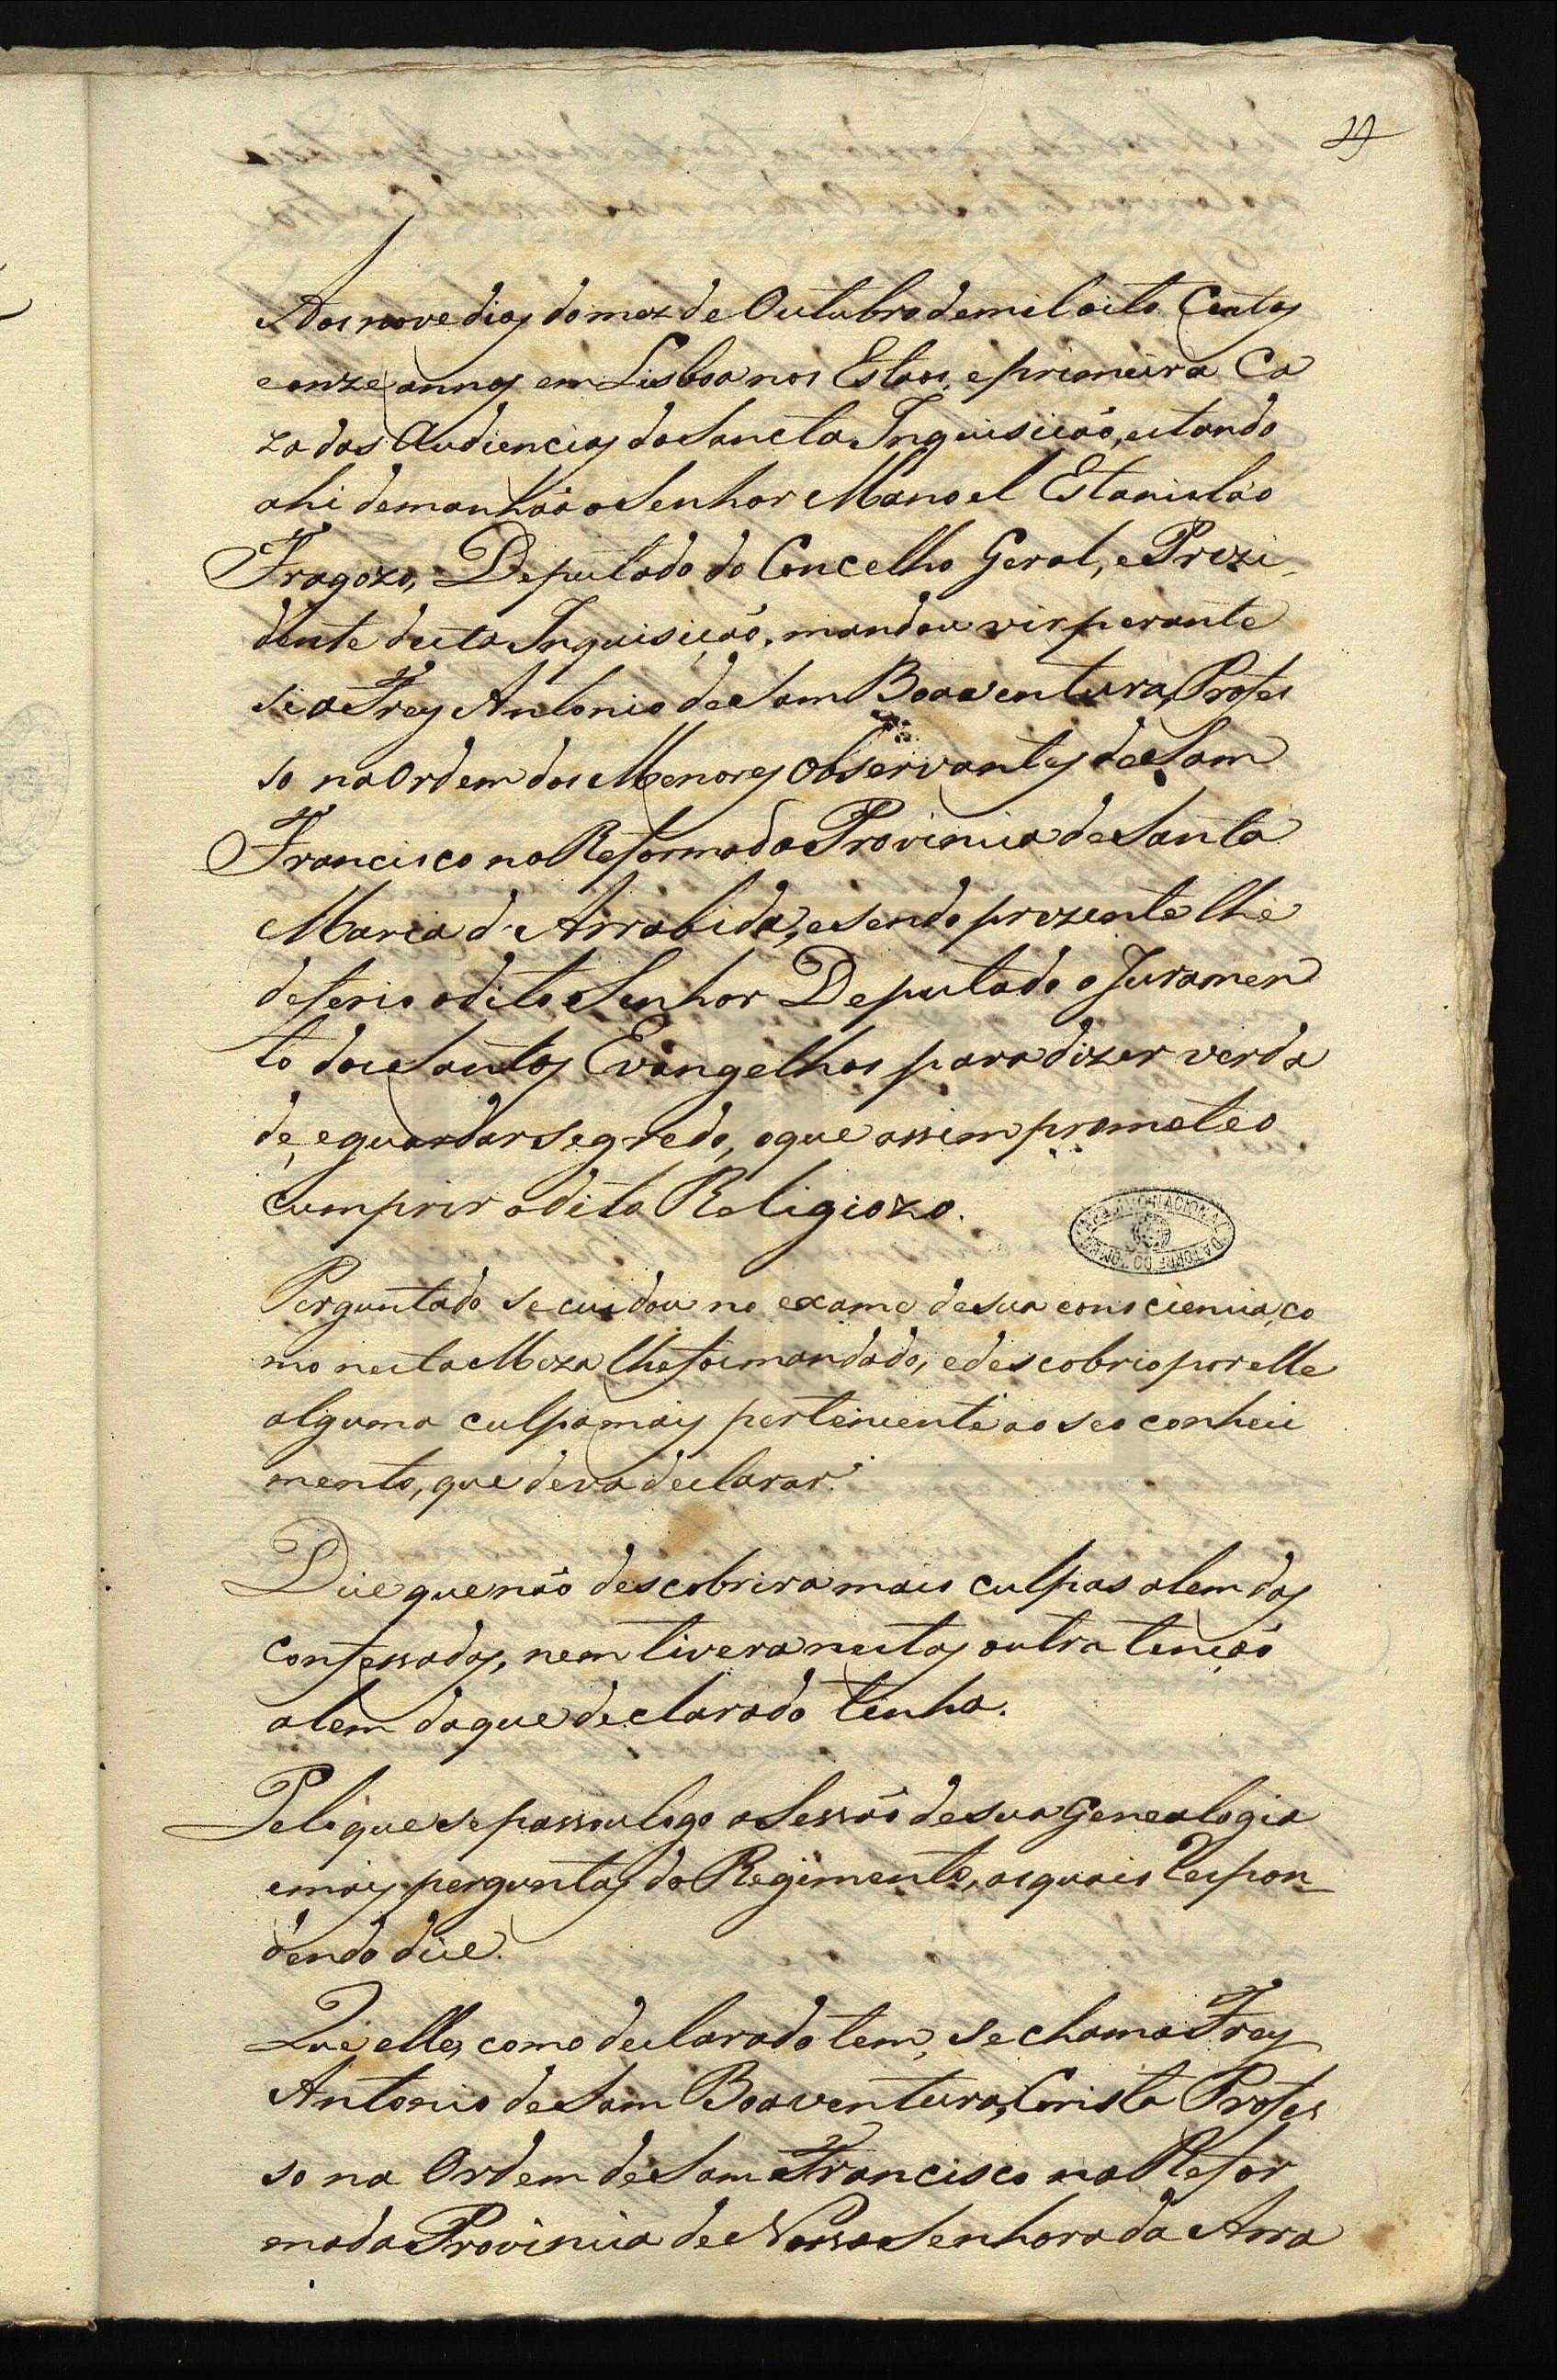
Aos nove dias do mez de Outubro de mil oitocentos
e onze annos em Lisboa nos Estaos e primeira Ca
za das Audiencias da Sancta Inquisiçaõ, estando
ahi de manhaa o Senhor Manoel Estanislao
Fragozo, Deputado do Concelho Geral, e Prezi
dente desta Inquisiçaõ, mandou vir perante
si a Frey Antonio de Sam Boaventura, Profes
so na Ordem dos Menores Observantes de Sam
Francisco na Reformada Provincia de Santa
Maria d'Arrabida, e sendo prezente lhe
deferio o dito Senhor Deputado o Juramen
to dos Santos Evangelhos para dizer verda
de e guardar segredo, o que assim prometeo
cumprir o dito Religiozo.
Perguntado se cuidou no exame de sua consciencia, co
mo nesta Meza lhe foi mandado, e descobrio por elle
alguma culpa mais pertencente ao seo conheci
mento, que deva declarar.
Dice que naõ descobrira mais culpas alem das
confessadas, nem tivera nestas outra tençaõ
alem da que declarado tenha.
Pelo que se passou logo a Sessaõ de sua genealogia
e mais perguntas do Regimento, as quais respon
dendo dice
Que elle, como declarado tem, se chama Frey
Antonio de Sam Boaventura, Corista Profes
so na Ordem de Sam Francisco na Refor
mada Provincia de Nossa Senhora de Arra
